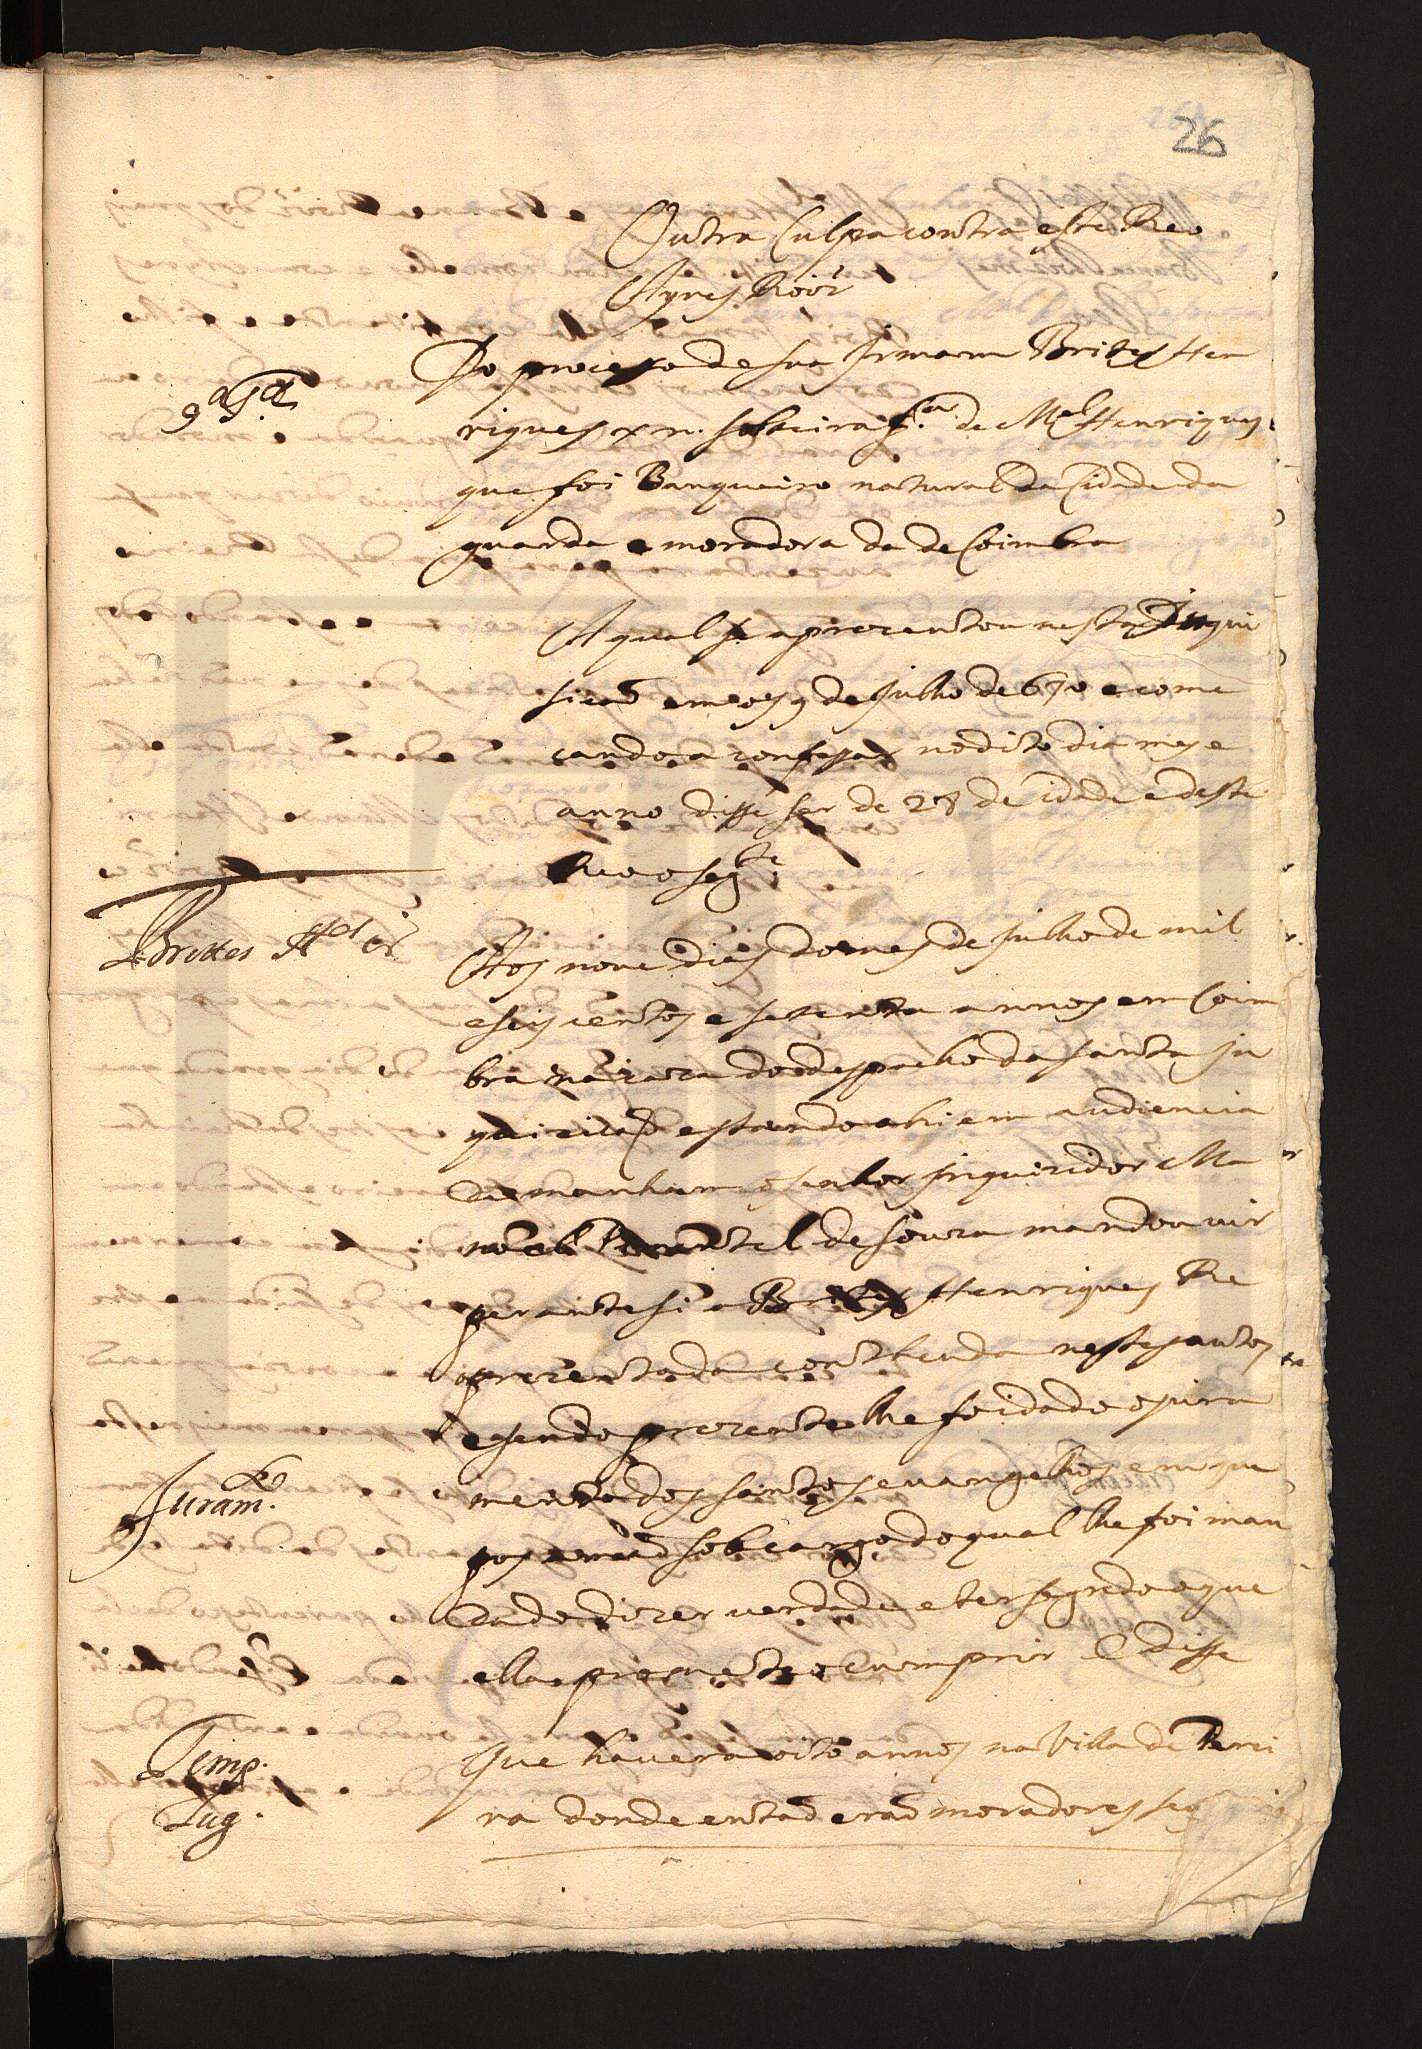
Outra Culpa contra este Reo
Ayres Roiz̄
Do proceso de sua Jrmam Brites Hen
riques xn. solteira f.a de Mel Henriques
que foi Banqueiro natural da Cidade da
guarda _ moradora da de Coimbra
A qual se aprezentou nesta Inqui
sicaõ em os 9 de Julho de 670 e come
cando a confessar no dito dia mes e
anno disse ser de 28 de idade e deste
__eo o segte.
Aos noue dias do mes de Julho de mil
e seiscentos e setenta annos em Coim
bra na caza do despacho da santa jn
quizicaõ estando ahi em audiencia
de manham o senhor jnquizidor Ma
noel Pimentel de souza mandou uir
perante si a Brites Henriques Re
aprezentada contheuda nestes autos
e sendo prezente lhe foi dado jura
mento dos santos euangelhos em que
pos a maõ sob cargo do qual lhe foi man
dado dizer uerdade e ter segredo o que
ella prometeo cumprir e disse
que hauera oito annos nesta Villa de Perei
ra donde entaõ eraõ moradores se_______
9a T.a
Brittes Hes ir
Juram.to
Temp.
Lug.
